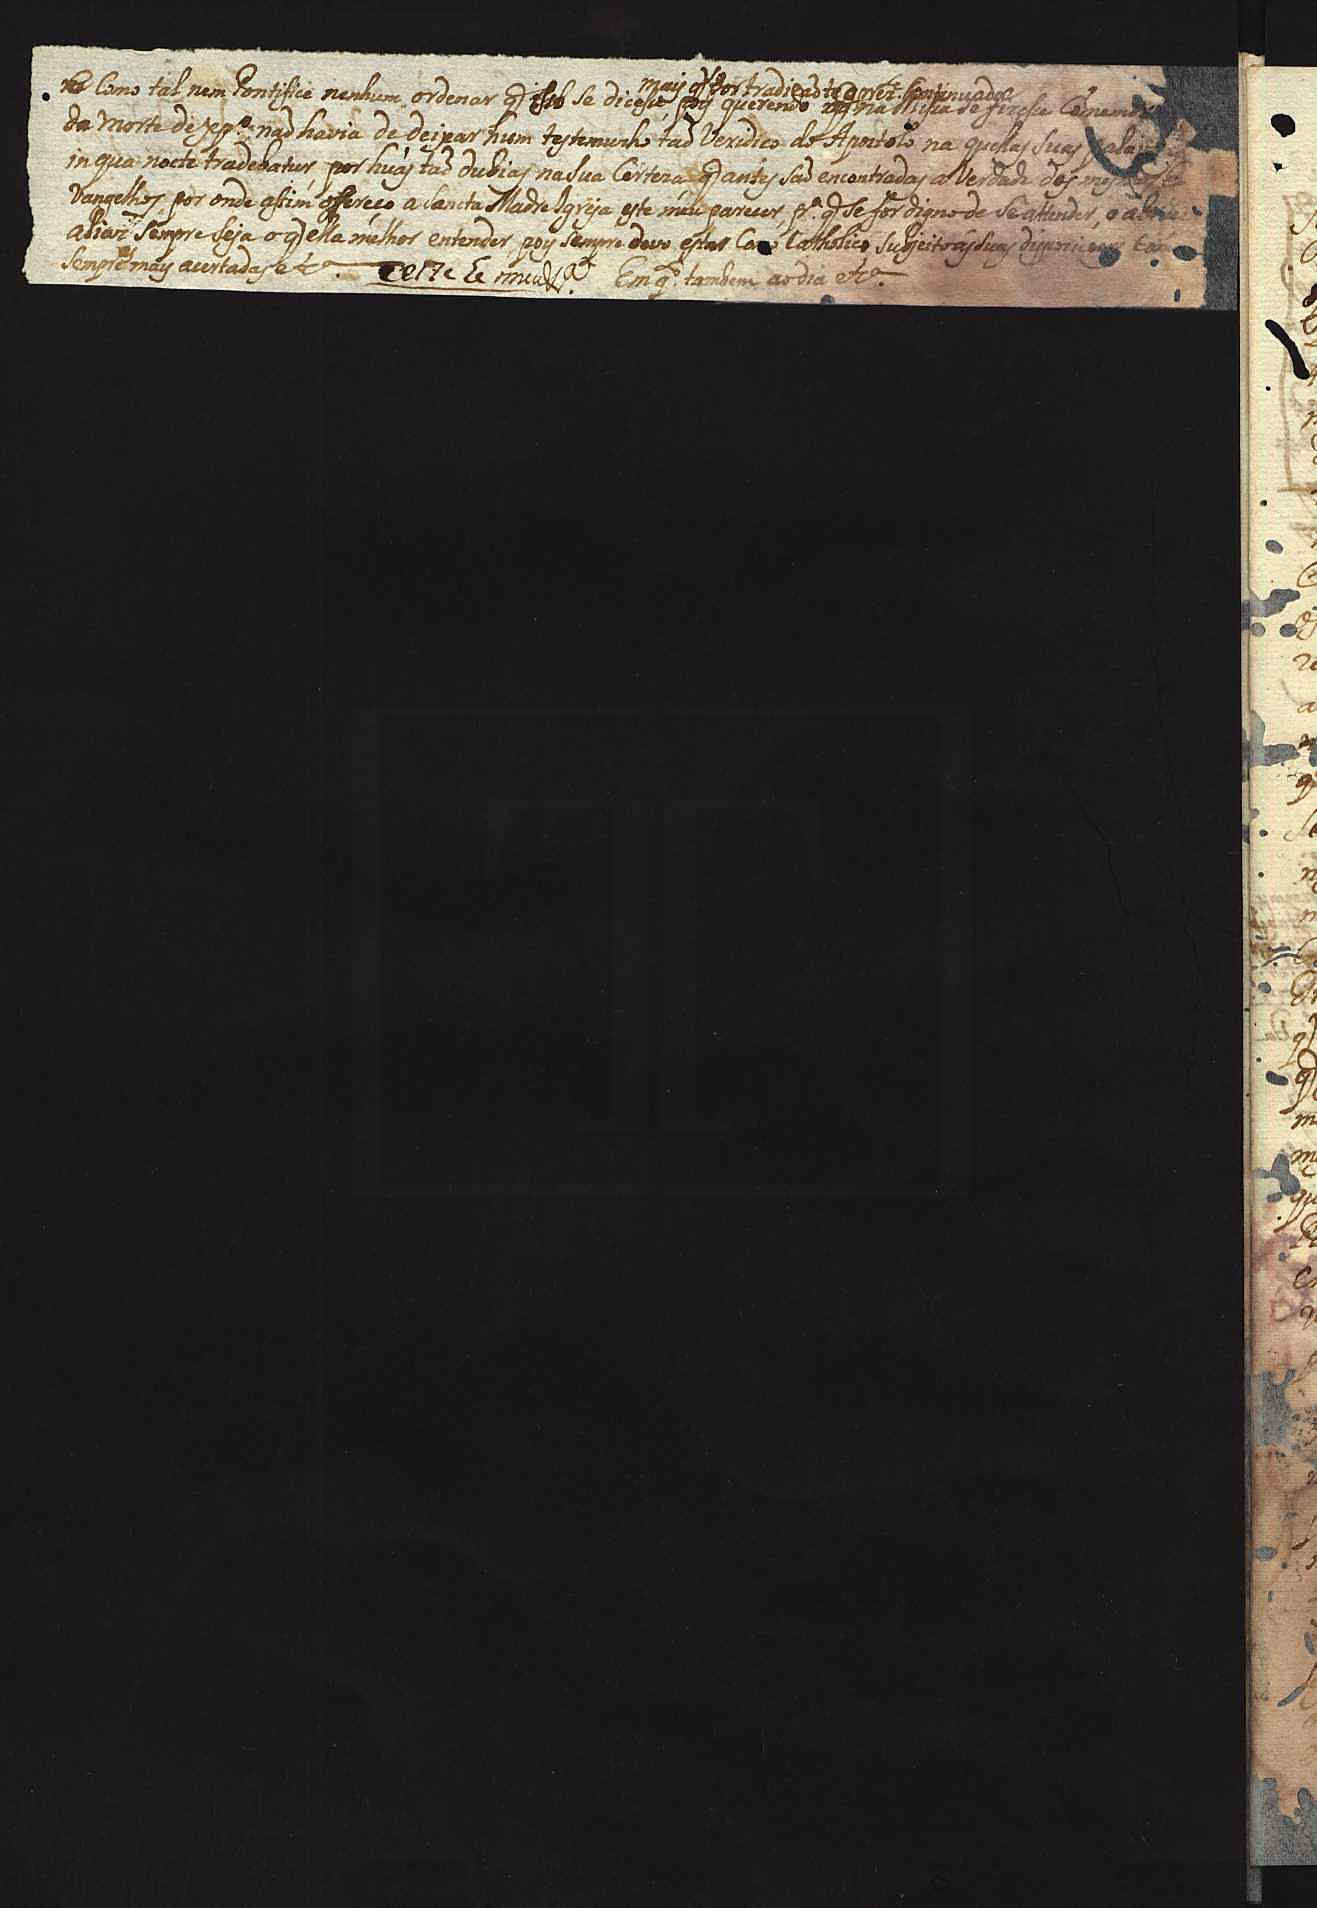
E Como tal nem Pontifice nenhum ordenar q̄ isso se dicesse
mais q̄ por tradiçaõ te o prez.te Continuada
poq̄ querendo o q̄ na Missa se fizesse Comem
da morte de Xp.o naõ havia de deixar hum testemunho taõ Veridico do Apostolo naquellas Suas pala
inqua nocte tradebatur, por huās taõ dubias na sua Certeza q̄ antes saõ encontradas a Verdade dos mesmos E
vangelhos por onde assim ofereço a Santa Madre Igreja este meu parecer, p.a q̄ se for digno de se attender o a
aliaz sempre Seja o q̄ ella melhor entender pois sempre devo estar Co_o Catholico sujeito as suas dispozicoens __
sempre mais acertadas etc.a E este he meu etc.a Emq̄to tambem ao dia etc.a
